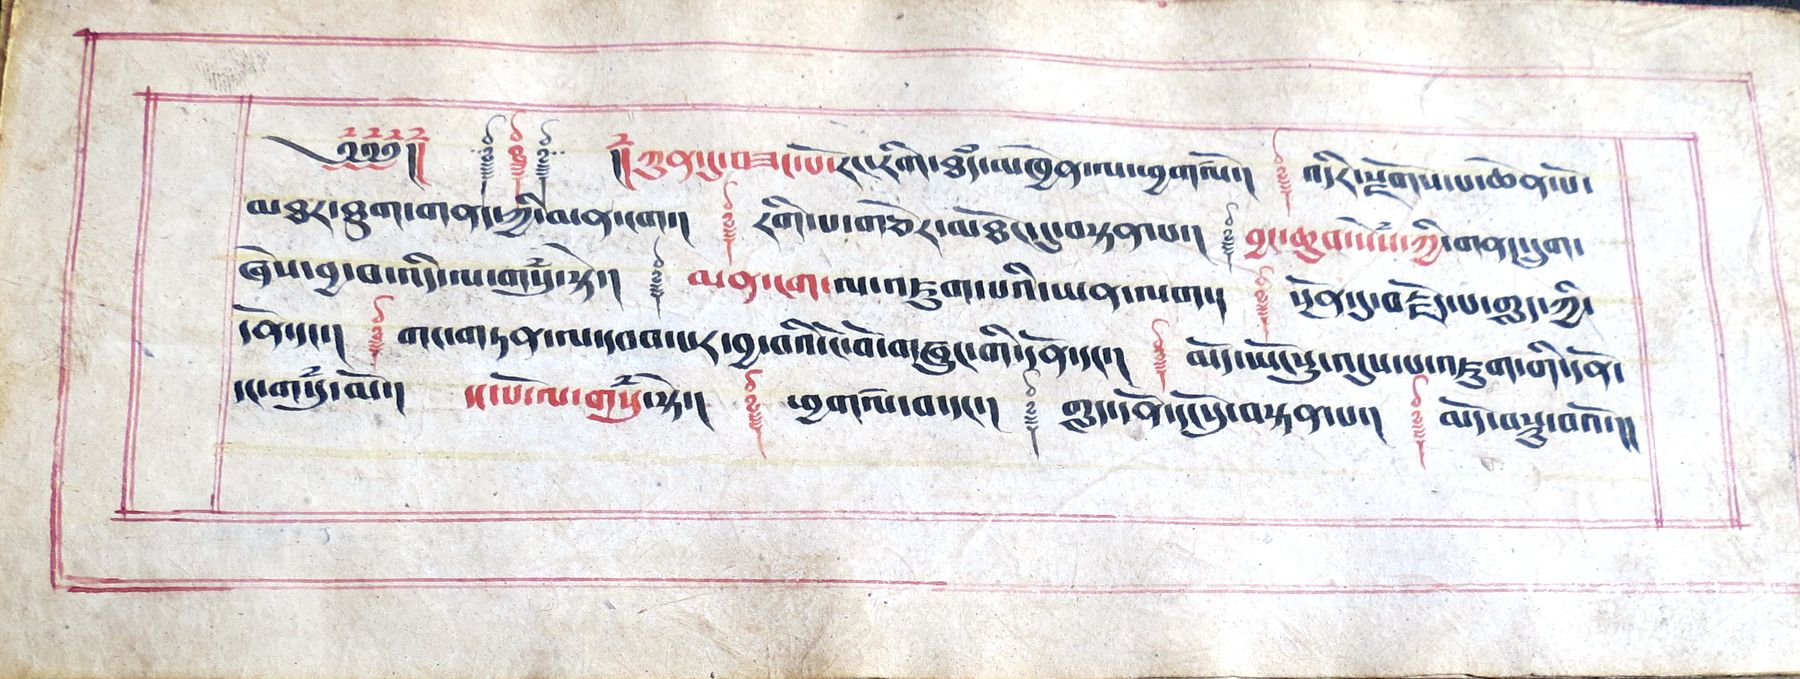༄༅།། །།ཀུན་ཏུ་བཟང་པོ་རང་རིག་ཐམས་ཅད་མཁྱེན་ལ་ཕྱག་འཚལ་ལོ། །འདིར་རྫོགས་པ་ཆེན་པོ་
མཐར་ཐུག་གནད་ཀྱི་མན་ངག །རིག་པ་གཅེར་མཐོང་དུ་བསྟན་པ། །བྱང་ཆུབ་སེམས་ཀྱི་གནད་དྲུག་
ཅེས་བྱ་བ་འདི་ལ་གསུམ་སྟེ། །མན་ངག་ལ་འཇུག་པའི་ཡན་ལག །སྔོན་དུ་བརྗོད་པ་ཀླད་ཀྱི་
དོན་དང་། །གང་གཏན་ལ་དབབ་པར་བྱ་བའི་ངོ་བོ་གཞུང་གི་དོན་དང་། །མདོ་ཡོངས་སུ་འདུས་པ་མཇུག་གི་དོན་
དང་གསུམ་མོ། །དང་པོ་ལ་གསུམ་སྟེ། ཕྱག་འཚལ་བ་དང་། ཀླད་དོན་དངོས་སུ་བསྟན་པ་དང་། མདོ་བསྡུ་བའོ། །